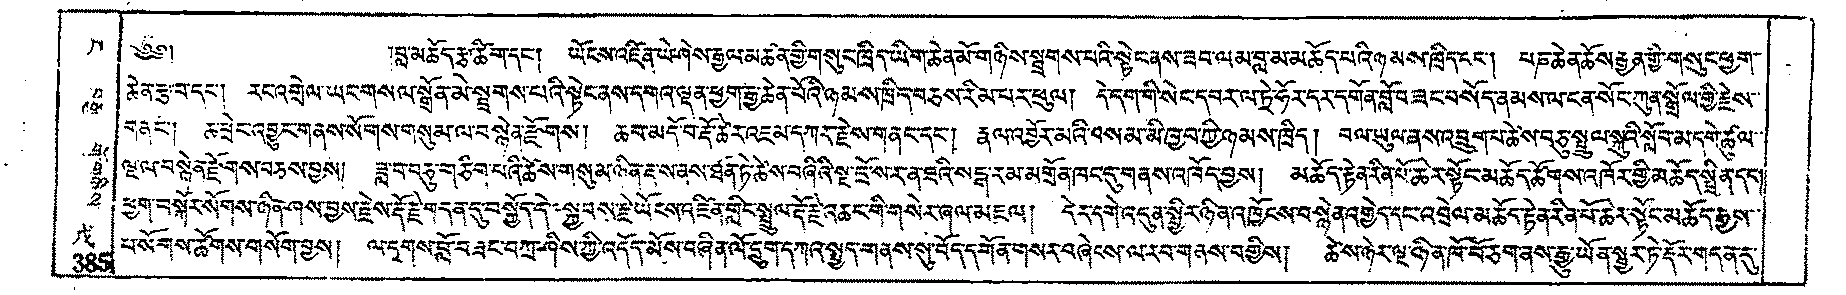༄༅། །བླ་མཆོད་རྩ་ཚིག་དང་། ཡོངས་འཛིན་ཡེ་ཤེས་རྒྱལ་མཚན་གྱི་གསུང་ཁྲིད་ཡིག་ཆེན་མོ་གཉིས་སྦྲགས་པའི་སྟེང་ནས་ཟབ་ལམ་བླ་མ་མཆོད་པའི་ཉམས་ཁྲིད་དང་། པཎ་ཆེན་ཆོས་རྒྱན་གྱི་གསུང་ཕྱག་
ཆེན་རྩ་བ་དང་། རང་འགྲེལ་ཡང་གསལ་སྒྲོན་མེ་སྦྲགས་པའི་སྟེང་ནས་དགའ་ལྡན་ཕྱག་རྒྱ་ཆེན་པོའི་ཉམས་ཁྲིད་བཅས་རིམ་པར་ཕུལ། དེ་དག་གི་སེང་དབར་ལ་ཏྲེ་ཧོར་དར་དགོན་བློ་བཟང་བསོད་ནམས་ལ་ངན་སོང་ཀུན་སྒྲོལ་གྱི་རྗེས་
གནང་། ཆ་ཕྲེང་འབྱུང་གནས་སོགས་གསུམ་ལ་བསྙེན་རྫོགས། ཆབ་མདོ་བ་རྡོ་ཚེར་འཇམ་དཀར་རྗེས་གནང་དང་། རྣལ་འབྱོར་མའི་བསམ་མི་ཁྱབ་ཀྱི་ཉམས་ཁྲིད། བལ་ཡུལ་ནས་འབྲུག་པ་ཚེས་བཅུ་སྤྲུལ་སྐུའི་སློབ་མ་དགེ་ཚུལ་
ལྔ་ལ་བསྙེན་རྫོགས་བཅས་བྱས། ཟླ་བ་བཅུ་གཅིག་པའི་ཚེས་གསུམ་ཉིན་རྡ་ས་ནས་ཐོན་ཏེ་ཚེས་བཞིའི་སྔ་དྲོ་ས་ར་ན་ཐའི་སངྒ་རམ་མགྲོན་ཁང་དུ་གནས་འཁོད་བྱས། མཆོད་རྟེན་རིན་པོ་ཆེར་སྟོང་མཆོད་ཚོགས་འཁོར་གྱི་མཆོད་སྤྲིན་དང་།
ཕྱག་བསྐོར་སོགས་ཉིན་ཤས་བྱས་རྗེས་རྡོ་རྗེ་གདན་དུ་བསྐྱོད་དེ་༧སྐྱབས་རྗེ་ཡོངས་འཛིན་གླིང་སྤྲུལ་རྡོ་རྗེ་འཆང་གི་གསེར་ཞལ་མཇལ། དེར་དགེ་འདུན་སྤྱིར་ཉིན་འཁྱོངས་བསྙེན་འགྱེད་དང་འབྲེལ་མཆོད་རྟེན་རིན་པོ་ཆེར་སྟོང་མཆོད་རྒྱས་
པ་སོགས་ཚོགས་གསོག་བྱས། ལ་དྭགས་བློ་བཟང་བཀྲ་ཤིས་ཀྱི་འདོད་མོས་བཞིན་ལོ་དྲུག་དཀའ་སྤྱད་གནས་སུ་བོད་དགོན་གསར་བཞེངས་ལ་རབ་གནས་བགྱིས། ཚེས་ཉེར་ལྔ་ཉིན་ཁོ་བོ་ཅག་ནས་རྒྱུ་ཡོན་སྦྱར་ཏེ་རྡོར་གདན་དུ་